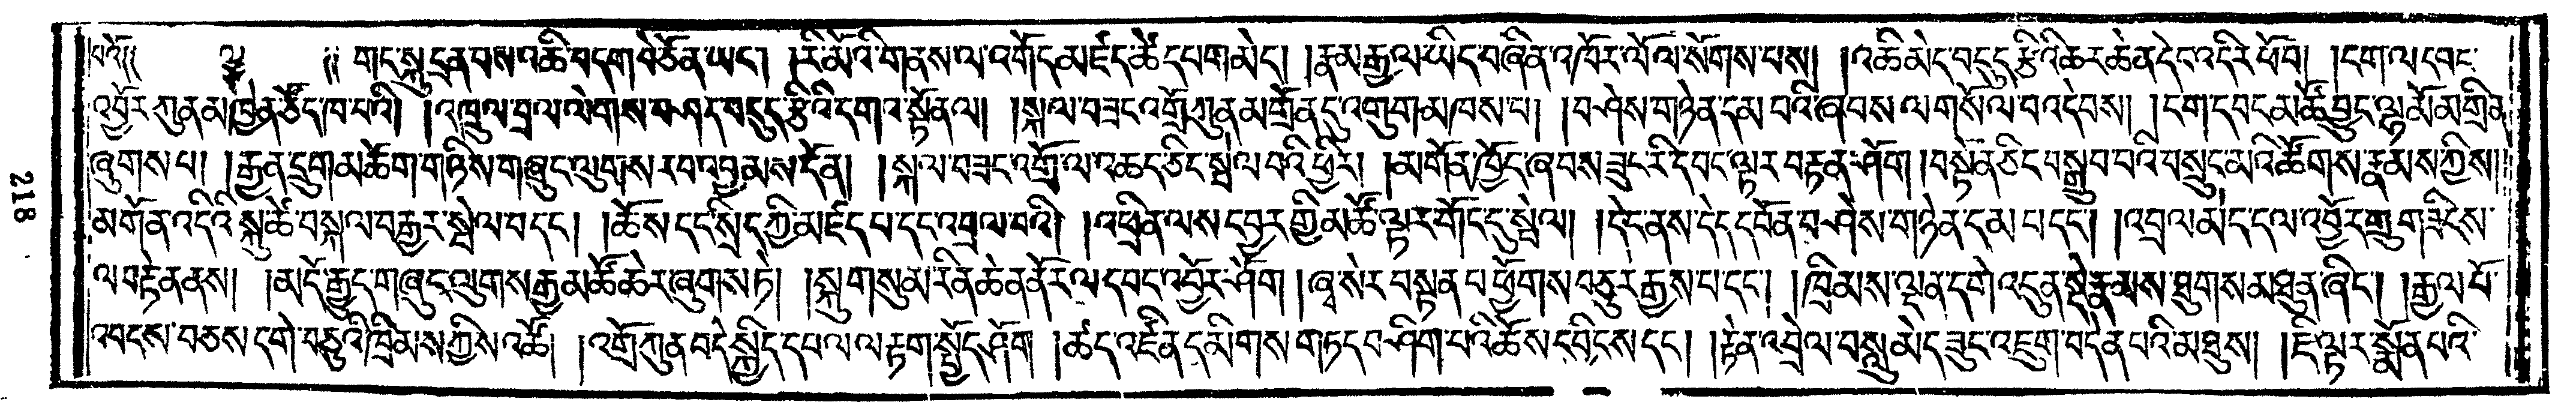བའོ༑༑ ༈ ༑༑ གང་སྐུ་དྲན་བས་འཆི་བདག་བེ་ཅོན་ཡང་། །རི་མོའི་གནས་ལ་འགོད་མཛད་ཚེ་དཔག་མེད། །རྣམ་རྒྱལ་ཡིད་བཞིན་འཁོར་ལོ་ལ་སོགས་པས། །འཆི་མེད་བདུད་རྩིའི་ཆར་ཆེན་དེང་འདིར་ཕོབ། །ངག་ལ་དབང་
འབྱོར་ཀུན་མཁྱེན་ཙོད་ཁ་པའི། །འཁྲུལ་བྲལ་ལེགས་བཤད་བདུད་རྩིའི་དགའ་སྟོན་ལ། །སྐལ་བཟང་འགྲོ་ཀུན་མགྲོན་དུ་འགུག་མཁས་པ། །བཤེས་གཉེན་དམ་པའི་ཞབས་ལ་གསོལ་བ་འདེབས། །ངག་དབང་མཚོ་བྱུང་ལྷ་མོ་མགྲིན་
ཞུགས་པ། །རྒྱན་དྲུག་མཆོག་གཉིས་གཞུང་ལུགས་རབ་འབྱམས་དོན། །སྐལ་བཟང་འགྲོ་ལ་འཆད་ཅིང་སྦེལ་བའི་ཕྱིར། །མགོན་ཁྱོད་ཞབས་ཟུང་རི་དབང་ལྟར་བརྟན་ཤོག །བསྟོན་ཅིང་བསྒྲུབ་པའི་བསྲུང་མའི་ཚོགས་རྣམས་ཀྱིས།།
མགོན་འདིའི་སྐུ་ཚེ་བསྐལ་བརྒྱར་སྦེལ་བ་དང་། །ཆོས་དང་སྲིད་ཀྱི་མཛད་པ་དང་འབྲལ་བའི། །འཕྲིན་ལས་དབྱར་གྱི་མཚོ་ལྟར་གོང་དུ་སྤེལ། །དེང་ནས་དེད་དཔོན་བཤེས་གཉེན་དམ་པ་དང་། །འབྲལ་མེད་དལ་འབྱོར་གྲུ་གཟིངས་
ལ་བརྟེན་ནས། །མདོ་རྒྱུད་གཞུང་ལུགས་རྒྱ་མཚོ་ཆེར་ཞུགས་ཏེ། །སྐུ་གསུམ་རིན་ཆེན་ནོར་ལ་དབང་འབྱོར་ཤོག །ཞྭ་སེར་བསྟན་པ་ཕྱོགས་བཅུར་རྒྱས་པ་དང་། །ཁྲིམས་ལྡན་དགེ་འདུན་སྡེ་རྣམས་ཐུགས་མཐུན་ཞིང་། །རྒྱལ་པོ་
འབངས་བཅས་དགེ་བཅུའི་ཁྲིམས་ཀྱིས་འཚོ། །འགྲོ་ཀུན་བདེ་སྐྱིད་དཔལ་ལ་རྟག་སྤྱོད་ཤོག །ཚད་འཛིན་དམིགས་གཏད་བཤིག་པའི་ཆོས་དབྱིངས་དང་། །རྟེན་འབྲེལ་བསླུ་མེད་ཟུང་འཇུག་བདེན་པའི་མཐུས། །ཇི་ལྟར་སྨོན་པའི་